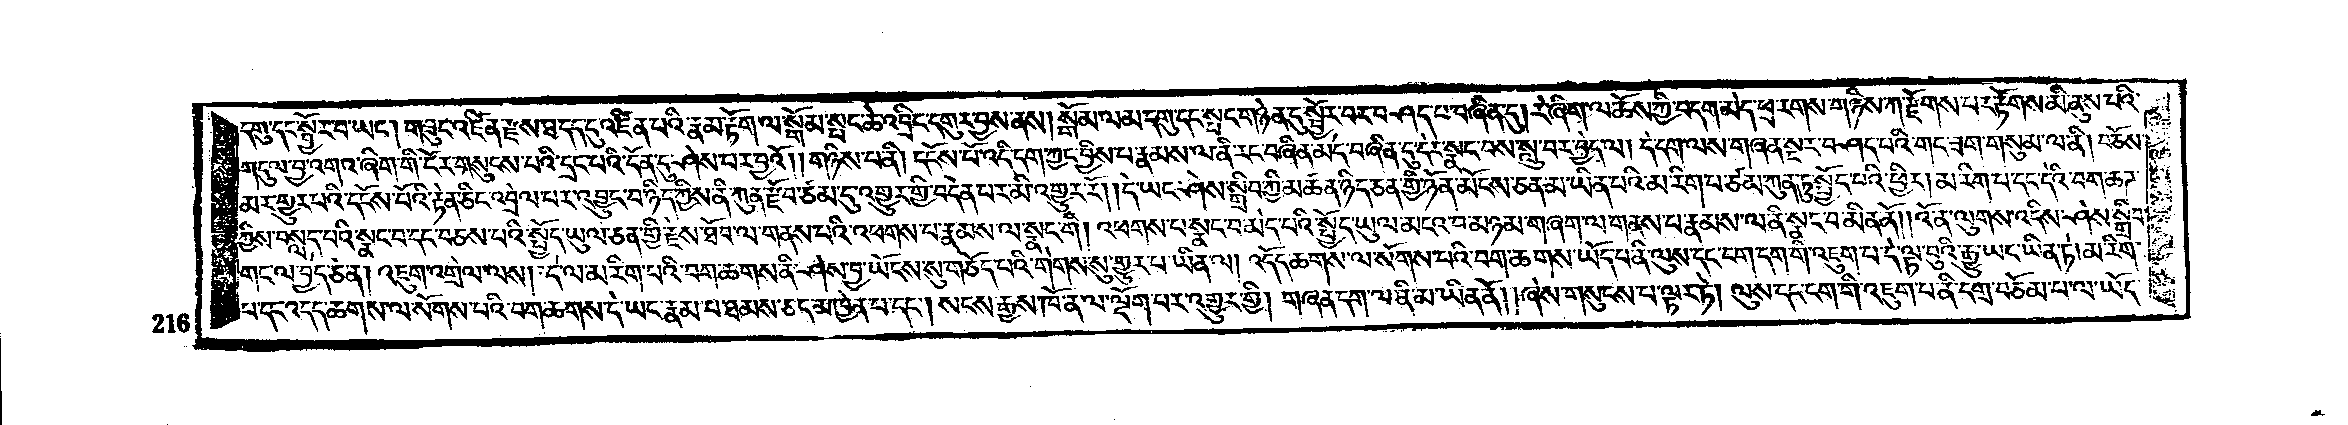དགུ་དང་སྦྱོར་བ་ཡང་། གཟུང་འཛིན་རྫས་ཐ་དད་དུ་འཛིན་པའི་རྣམ་རྟོག་ལ་སྒོམ་སྤང་ཆེ་འབྲིང་དགུར་བྱས་ནས། སྒོམ་ལམ་དགུ་དང་སྤང་གཉེན་དུ་སྦྱོར་བར་བཤད་པ་བཞིན་དུ། རེ་ཞིག་ལ་ཆོས་ཀྱི་བདག་མེད་ཕྲ་རགས་གཉིས་ཀ་རྫོགས་པར་རྟོགས་མི་ནུས་པའི་
གདུལ་བྱ་འགའ་ཞིག་གི་ངོར་གསུངས་པའི་དྲང་པའི་དོན་དུ་ཤེས་པར་བྱའོ། །གཉིས་པ་ནི། དངོས་པོ་འདི་དག་ཀྱང་བྱིས་པ་རྣམས་ལ་ནི་རང་བཞིན་མེད་བཞིན་དུ་དེར་སྣང་བས་སླུ་བར་བྱེད་ལ། དེ་དག་ལས་གཞན་སྔར་བཤད་པའི་གང་ཟག་གསུམ་ལ་ནི། བཅོས་
མར་གྱུར་པའི་དངོས་པོའི་རྟེན་ཅིང་འབྲེལ་པར་འབྱུང་བ་ཉིད་ཀྱིས་ནི་ཀུན་རྫོབ་ཙམ་དུ་འགྱུར་གྱི་བདེན་པར་མི་འགྱུར་རོ། །དེ་ཡང་ཤེས་སྒྲིབ་ཀྱི་མཚན་ཉིད་ཅན་གྱི་ཉོན་མོངས་ཅན་མ་ཡིན་པའི་མ་རིག་པ་ཙམ་ཀུན་ཏུ་སྤྱོད་པའི་ཕྱིར། མ་རིག་པ་དང་དེའི་བག་ཆགས་
ཀྱིས་བསླད་པའི་སྣང་བ་དང་བཅས་པའི་སྤྱོད་ཡུལ་ཅན་གྱི་རྗེས་ཐོབ་ལ་གནས་པའི་འཕགས་པ་རྣམས་ལ་སྣང་གི །འཕགས་པ་སྣང་བ་མེད་པའི་སྤྱོད་ཡུལ་མངའ་བ་མཉམ་གཞག་ལ་གནས་པ་རྣམས་ལ་ནི་སྣང་བ་མིན་ནོ། །འོ་ན་ལུགས་འདིས་ཤེས་སྒྲིབ་
གང་ལ་བྱེད་ཅེ་ན། འཇུག་འགྲེལ་ལས། དེ་ལ་མ་རིག་པའི་བག་ཆགས་ནི་ཤེས་བྱ་ཡོངས་སུ་གཅོད་པའི་གེགས་སུ་གྱུར་པ་ཡིན་ལ། འདོད་ཆགས་ལ་སོགས་པའི་བག་ཆགས་ཡོད་པ་ནི་ལུས་དང་ངག་དག་གི་འཇུག་པ་དེ་ལྟ་བུའི་རྒྱུ་ཡང་ཡིན་ཏེ། མ་རིག་
པ་དང་འདོད་ཆགས་ལ་སོགས་པའི་བག་ཆགས་དེ་ཡང་རྣམ་པ་ཐམས་ཅད་མཁྱེན་པ་དང་། སངས་རྒྱས་ཁོ་ན་ལ་ལྡོག་པར་འགྱུར་གྱི། གཞན་དག་ལ་ནི་མ་ཡིན་ནོ། །ཞེས་གསུངས་པ་ལྟར་ཏེ། ལུས་དང་ངག་གི་འཇུག་པ་ནི་དགྲ་བཅོམ་པ་ལ་ཡོད་